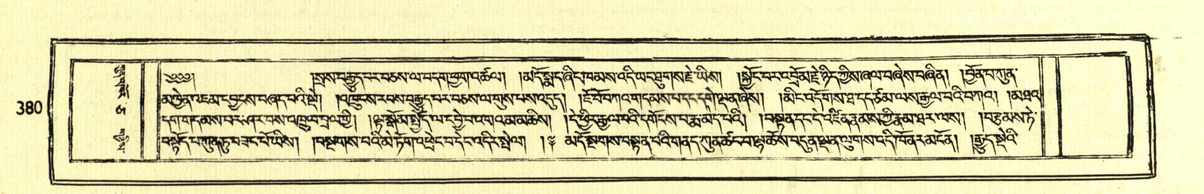༄༅༅། །སྲས་བརྒྱུད་པར་བཅས་ལ་བདག་ཕྱག་འཚལ། །མདོ་སྨད་ཞིང་ཁམས་འདི་ཡང་ཐུགས་རྗེ་ཡིས། །སྐྱོང་བར་འབྲོམ་རྗེ་ཉིད་ཀྱིས་ཞལ་བཞེས་བཞིན། །བྱོན་པ་ཀུན་
མཁྱེན་འཇམ་དབྱངས་བཞད་པའི་སྡེ། །འཁྲུངས་རབས་བརྒྱུད་བར་བཅས་ལ་གུས་པས་འདུད། །ཇོ་བོ་བཀའ་གདམས་པ་དང་དགེ་ལྡན་ཞེས། །མིང་འདོགས་ཐ་དད་ཙམ་ལས་རྒྱལ་བའི་བཀའ་།མཐའ་
དག་གདམས་པར་ཤར་བས་འཁྲུལ་བྲལ་གྱི། །ལྟ་སྒོམ་སྤྱོད་ལ་དབྱེ་བ་འགའ་མ་མཆིས། །དེ་ཕྱིར་རྒྱལ་བའི་དགོངས་པ་རྨ་མེད་པའི། །བསྟན་དང་དེ་འཛིན་རྣམས་ཀྱི་རྣམ་ཐར་ལས། །བརྩམས་ཏེ་
བསྟོད་པ་ཀུན་ཏུ་བཟང་པོ་ཡིས། །བསྔགས་པའི་མེ་ཏོག་འཕྲེང་བ་དེང་འདིར་སྤེལ། །༈ མདོ་སྔགས་བསྟན་པའི་གནད་ཀུན་ཚང་བ་ལྷ་ཆོས་བདུན་ལྡན་ལུགས་འདི་ཁོ་ནར་མངོན། །རྒྱུད་སྡེའི་